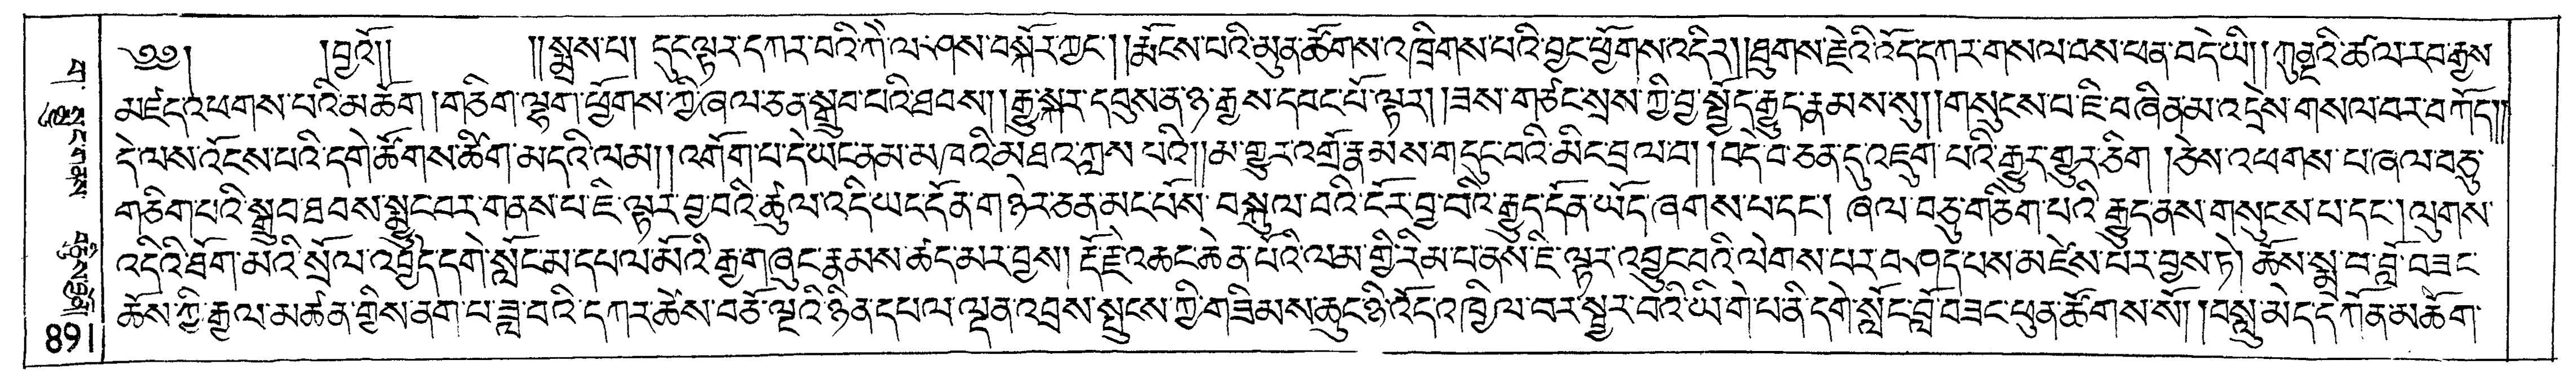༄༅། །བྱའོ།། །།སྨྲས་པ། དུང་ལྟར་དཀར་བའི་ཀཻ་ལ་ཤས་བསྐོར་ཀྱང་། །རྨོངས་པའི་མུན་ཚོགས་འཁྲིགས་པའི་བྱང་ཕྱོགས་འདིར། །ཐུགས་རྗེའི་འོད་དཀར་གསལ་བས་ཕན་བདེ་ཡི། །ཀུནྔའི་ཚལ་རབ་རྒྱས་
མཛད་འཕགས་པའི་མཆོག །གཅིག་ལྷག་ཕྱོགས་ཀྱི་ཞལ་ཅན་སྒྲུབ་པའི་ཐབས། །རྒྱུ་སྐར་དབུས་ན་ཉ་རྒྱས་དབང་པོ་ལྟར། །ཟས་གཙང་སྲས་ཀྱི་བྱ་སྤྱོད་རྒྱུད་རྣམས་སུ། །གསུངས་པ་ཇི་བཞིན་མ་འདྲེས་གསལ་བར་བཀོད།།
དེ་ལས་འོངས་པའི་དགེ་ཚོགས་ཚིག་མདའི་ལམ། །འགོག་པ་དེ་ཡང་ནམ་མཁའི་མཐའ་ཀླས་པའི། །མ་གྱུར་འགྲོ་རྣམས་གདུང་བའི་མིང་བྲལ་བ། །བདེ་བ་ཅན་དུ་འཇུག་པའི་རྒྱུར་གྱུར་ཅིག །ཅེས་འཕགས་པ་ཞལ་བཅུ་
གཅིག་པའི་སྒྲུབ་ཐབས་སྨྱུང་བར་གནས་པ་ཇི་ལྟར་བྱ་བའི་ཚུལ་འདི་ཡང་དོན་གཉེར་ཅན་མང་པོས་བསྐུལ་བའི་ངོར་བྱ་བའི་རྒྱུད་དོན་ཡོད་ཞགས་པ་དང་། ཞལ་བཅུ་གཅིག་པའི་རྒྱུད་ནས་གསུངས་པ་དང་། ལུགས་
འདིའི་ཐོག་མའི་སྲོལ་འབྱེད་དགེ་སློང་མ་དཔལ་མོའི་རྒྱ་གཞུང་རྣམས་ཚད་མར་བྱས། རྡོ་རྗེ་འཆང་ཆེན་པོའི་ལམ་གྱི་རིམ་པ་ནས་ཇི་ལྟར་འབྱུང་བའི་ལེགས་པར་བཤད་པས་མཛེས་པར་བྱས་ཏེ། ཆོས་སྨྲ་བ་བློ་བཟང་
ཆོས་ཀྱི་རྒྱལ་མཚན་གྱིས་ནག་པ་ཟླ་བའི་དཀར་ཚེས་བཅོ་ལྔའི་ཉིན་དཔལ་ལྡན་འབྲས་སྤུངས་ཀྱི་གཟིམས་ཆུང་ཉི་འོད་འཁྱིལ་བར་སྦྱར་བའི་ཡི་གེ་པ་ནི་དགེ་སློང་བློ་བཟང་ཕུན་ཚོགས་སོ། །བསླུ་མེད་དཀོན་མཆོག་